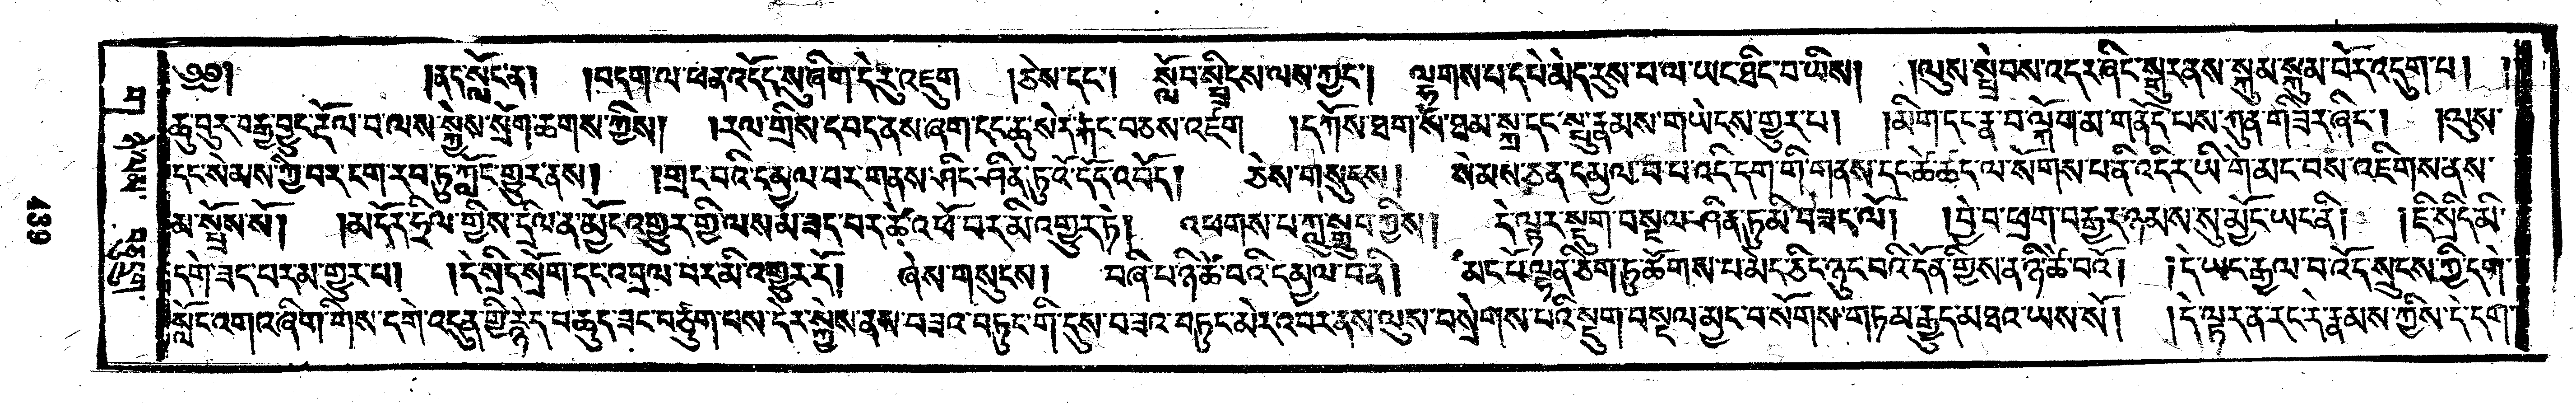༄༅། །ནད་སློང་ན། །བདག་ལ་ཕན་འདོད་སུ་ཞིག་དེ་རུ་འཇུག །ཅེས་དང་། སློབ་སྤྲིངས་ལས་ཀྱང་། ལྷགས་པ་དཔེ་མེད་རུས་པ་ལ་ཡང་ཐིང་བ་ཡིས། །ལུས་སྤྲེབས་འདར་ཞིང་སྒུར་ནས་སྐུམ་སྐུམ་བོར་འདུག་པ། །
ཆུ་བུར་བརྒྱ་བྱུང་རྡོལ་བ་ལས་སྐྱེས་སྲོག་ཆགས་ཀྱིས། །རལ་གྲིས་དབད་ནས་ཞག་དང་ཆུ་སེར་རྐང་བཅས་འཛག །དཀོས་ཐག་སོ་ཐམ་སྐྲ་དང་སྤུ་རྣམས་གཡེངས་གྱུར་པ། །མིག་དང་རྣ་བ་ལྐོག་མ་གནོད་པས་ཀུན་གཟིར་ཞིང་། །ལུས་
དང་སེམས་ཀྱི་བར་ངག་རབ་ཏུ་ཀློང་གྱུར་ནས། །གྲང་བའི་དམྱལ་བར་གནས་ཤིང་ཤིན་ཏུ་འོ་དོད་འབོད། ཅེས་གསུངས། སེམས་ཅན་དམྱལ་བ་པ་འདི་དག་གི་གནས་དང་ཚེ་ཚད་ལ་སོགས་པ་ནི་འདིར་ཡི་གེ་མང་བས་འཇིགས་ནས་
མ་སྤྲོས་སོ། །མདོར་ཧྲིལ་གྱིས་དྲིལ་ན་མྱོང་འགྱུར་གྱི་ལས་མ་ཟད་པར་ཚེ་འཕོ་བར་མི་འགྱུར་ཏེ། འཕགས་པ་ཀླུ་སྒྲུབ་ཀྱིས། དེ་ལྟར་སྡུག་བསྔལ་ཤིན་ཏུ་མི་བཟད་ལོ། །བྱེ་བ་ཕྲག་བརྒྱར་ཉམས་སུ་མྱོང་ཡང་ནི། །ཇི་སྲིད་མི་
དགེ་ཟད་པར་མ་གྱུར་པ། །དེ་སྲིད་སྲོག་དང་འབྲལ་བར་མི་འགྱུར་རོ། ཞེས་གསུངས། བཞི་པ་ཉི་ཚེ་བའི་དམྱལ་བ་ནི། མང་པོ་ལྷན་ཅིག་ཏུ་ཚོགས་པ་མེད་ཅིང་ཉུང་བའི་དོན་གྱིས་ན་ཉི་ཚེ་བའོ། །དེ་ཡང་རྒྱལ་བ་འོད་སྲུངས་ཀྱི་དགེ་
སློང་འགའ་ཞིག་གིས་དགེ་འདུན་གྱི་རྙེད་བ་ཆུད་ཟང་བཙུག་པས་དེར་སྐྱེས་ནས་བཟའ་བཏུང་གི་དུས་བཟའ་བཏུང་མེར་འབར་ནས་ལུས་བསྲེགས་པའི་སྡུག་བསྔལ་མྱང་བ་སོགས་གཏམ་རྒྱུད་མཐའ་ཡས་སོ། །དེ་ལྟར་ན་རང་རེ་རྣམས་ཀྱིས་དེ་དག་